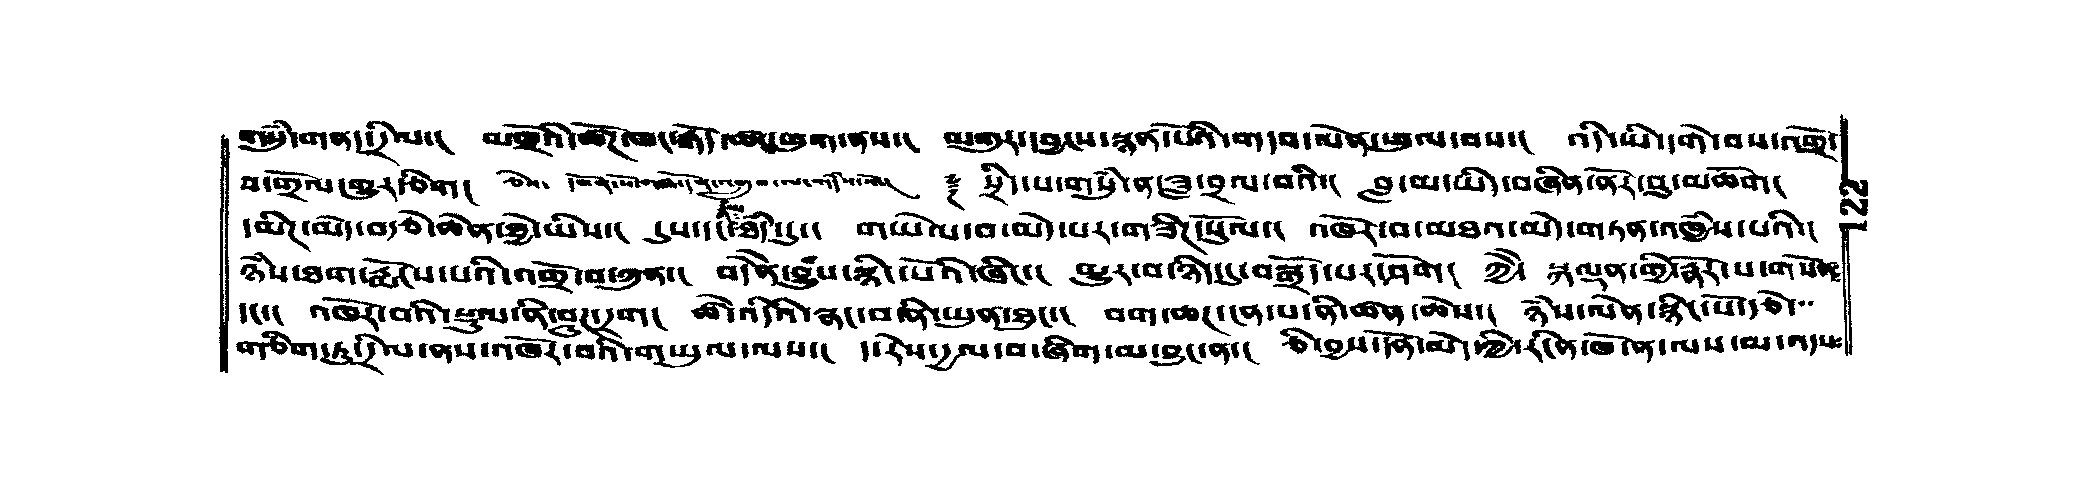གསུམ་གནད་དྲིལ། །མཁའ་འགྲོའི་ཚོགས་ཁང་རྒོད་ཚང་ཕུག་ནས། །མགུར་དབྱངས་སྙན་པོའི་གདབ་ལེན་ཕུལ་བས། །འདི་ཡི་དགེ་བས་འགྲོ་
གྲོལ་གྱུར་ཅིག།ཅེས་དབོན་པོ་ཀརྨ་དོན་གྲུབ་ལ་གདམས་པའོ།། ༈ སྲིད་པ་གསུམ་ན་ཟླ་བྲལ་བའི། །བླ་མ་ཡིད་བཞིན་ནོར་བུ་མཆོག །
དམིགས་མེད་བརྩེ་ཆེན་ཐུགས་རྗེ་ཡིས། །དུས་དང་རྣམ་པ་ཐམས་ཅད་དུ། །གཡེལ་བ་མེད་པར་གཟིགས་སུ་གསོལ། །འཁོར་བ་མཐའ་མེད་གཏན་འཁྱམས་པའི། །
ཉམ་ཐག་རྨོངས་པའི་འགྲོ་བ་ཀུན། །བདེ་ཆེན་བྱང་ཆུབ་སྙིང་པོའི་ཞིང་། །མྱུར་བ་ཉིད་དུ་བསྒྲོད་པར་ཤོག ཀྱཻ། སྐལ་ལྡན་གྱི་རྣལ་འབྱོར་པ་གསོན་
དང་། །འཁོར་བའི་སྡུག་བསྔལ་གྱི་ཤུགས་དྲག །ཚེ་འདིའི་སྣང་བ་ནི་ཡུན་ཐུང་། །བག་ཆགས་ངན་པ་ནི་ཚན་ཆེས། །ཉམས་ལེན་སྙིང་པོ་རྩེ་
གཅིག་ཏུ་དྲིལ་ནས་འཁོར་བའི་གཡུལ་ལས་ད་རེས་རྒྱལ་བ་ཞིག་མ་བྱུང་ན་ཅི་བྱས་དོན་མེད་ཀྱི་རང་བཞིན་ཁོ་ན་ལས་མ་འདས་